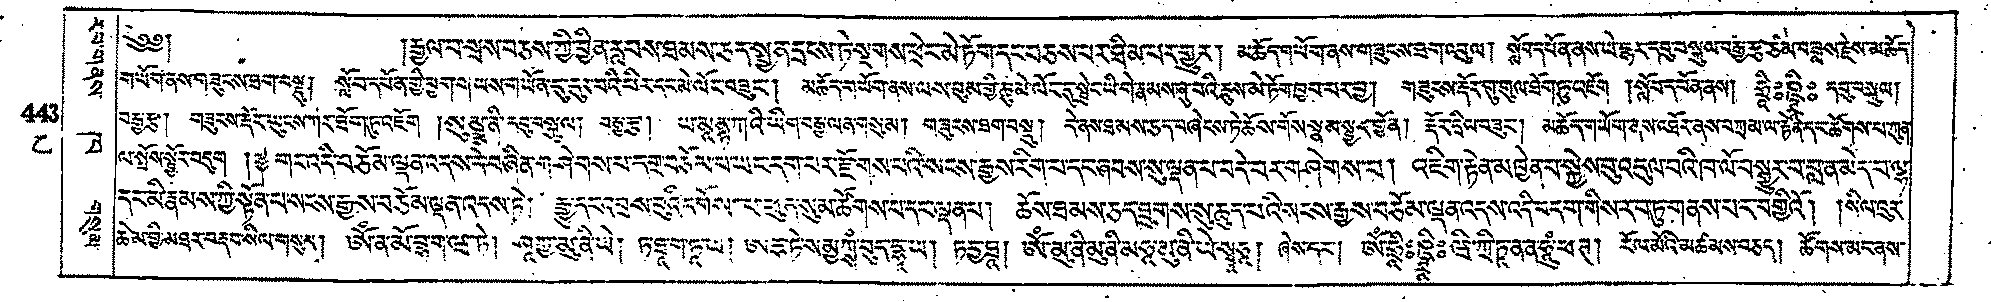༄༅། །རྒྱལ་བ་སྲས་བཅས་ཀྱི་བྱིན་རླབས་ཐམས་ཅད་སྤྱན་དྲངས་ཏེ་སྔགས་ཕྲེང་མེ་ཏོག་དང་བཅས་པར་ཐིམ་པར་གྱུར། མཆོད་གཡོག་ནས་གཟུངས་ཐག་འབུལ། སློབ་དཔོན་ནས་ཡེ་དྷར་དབུ་བསྐུལ་བརྒྱ་རྩ་ཙམ་བཟླས་རྗེས་མཆོད་
གཡོག་ནས་གཟུངས་ཐག་བསྡུ། སློབ་དཔོན་གྱི་ཕྱག་གཡས་གཡོན་དུ་དུར་བའི་པིར་དང་མེ་ལོང་བཟུང་། མཆོད་གཡོག་ནས་ལས་བུམ་གྱི་ཆུ་མེ་ལོང་དུ་སྦྲེང་ཡི་གེ་རྣམས་ཞུ་བའི་ཆུས་མེ་ཏོག་ཁྱབ་པར་བྱང་ཟུངས་རྡོར་གུ་གུལ་ཐོག་ཏུ་འཇོག །སློབ་དཔོན་ནས། ཧྲཱིཿ ཥྚིཿ དབུ་བསྐུལ།
བརྒྱ་རྩ། གཟུངས་རྡོར་ཡུངས་ཀར་ཐོག་ཏུ་འཇོག །སུམྦྷ་ནི་དབུ་བསྐུལ། བརྒྱ་རྩ། ཡ་མཱནྟ་ཀའི་ཡིག་བརྒྱ་ལན་གསུམ། གཟུངས་ཐག་བསྡུ། དེ་ནས་ཐམས་ཅད་བཞེངས་ཏེ་ཆོས་གོས་སྣམ་སྦྱར་གྱོན། རྡོར་དྲིལ་བཟུང་། མཆོད་གཡོག་ནས་འཐོར་ནས་བཀྲམ་ལ་རྟེན་དང་ཚོགས་པ་ཀུན་
ལ་སྤོས་སྦྱོར་བདུག ། འ་གང་འདི་བཅོམ་ལྡན་འདས་དེ་བཞིན་གཤེགས་པ་དགྲ་བཅོམ་པ་ཡང་དག་པར་རྫོགས་པའི་སངས་རྒྱས་རིག་པ་དང་ཞབས་སུ་ལྡན་པ་བདེ་བར་གཤེགས་པ། འཇིག་རྟེན་མཁྱེན་པ་སྐྱེས་བུ་འདུལ་བའི་ཁ་ལོ་བསྒྱུར་བ་བླ་ན་མེད་པ་ལྷ་
དང་མི་རྣམས་ཀྱི་སྟོན་པ་སངས་རྒྱས་བཅོམ་ལྡན་འདས་ཏེ། རྒྱུ་དང་འབྲས་བུའི་དགོས་པ་ཕུན་སུམ་ཚོགས་པ་དང་ལྡན་པ། ཆོས་ཐམས་ཅད་ཐུགས་སུ་ཆུད་པའི་སངས་རྒྱས་བཅོམ་ལྡན་འདས་འདི་བདག་གིས་རབ་ཏུ་གནས་པར་བགྱིའོ། །སིལ་འུར་
ཆེམ་གྱི་མཐར་བརྡབ་སིལ་གསུམ། ཨོཾ་ན་མོ་བྷ་ག་ཝ་ཏེ། ཤཱཀྱ་མུ་ནི་ཡེ། ཏ་ཐཱ་ག་ཏཱ་ཡ། ཨརྷ་ཏེ་སམྱཀྶཾ་བུད་དྷཱ་ཡ། ཏྡྱ་ཐཱ། ཨོཾ་མུ་ནི་མུ་ནི་མཧཱ་མུ་ནི་ཡེ་སྭཱཧཱ། ཞེས་དང་།  ཨོཾ་ཧྲཱིཿཥྚྲཱིཿཝི་ཀྲི་ཏཱ་ན་ན་ཧཱུཾ་ཕཊ། རོལ་མོའི་མཚམས་བཅད། ཚོགས་མང་ནས་